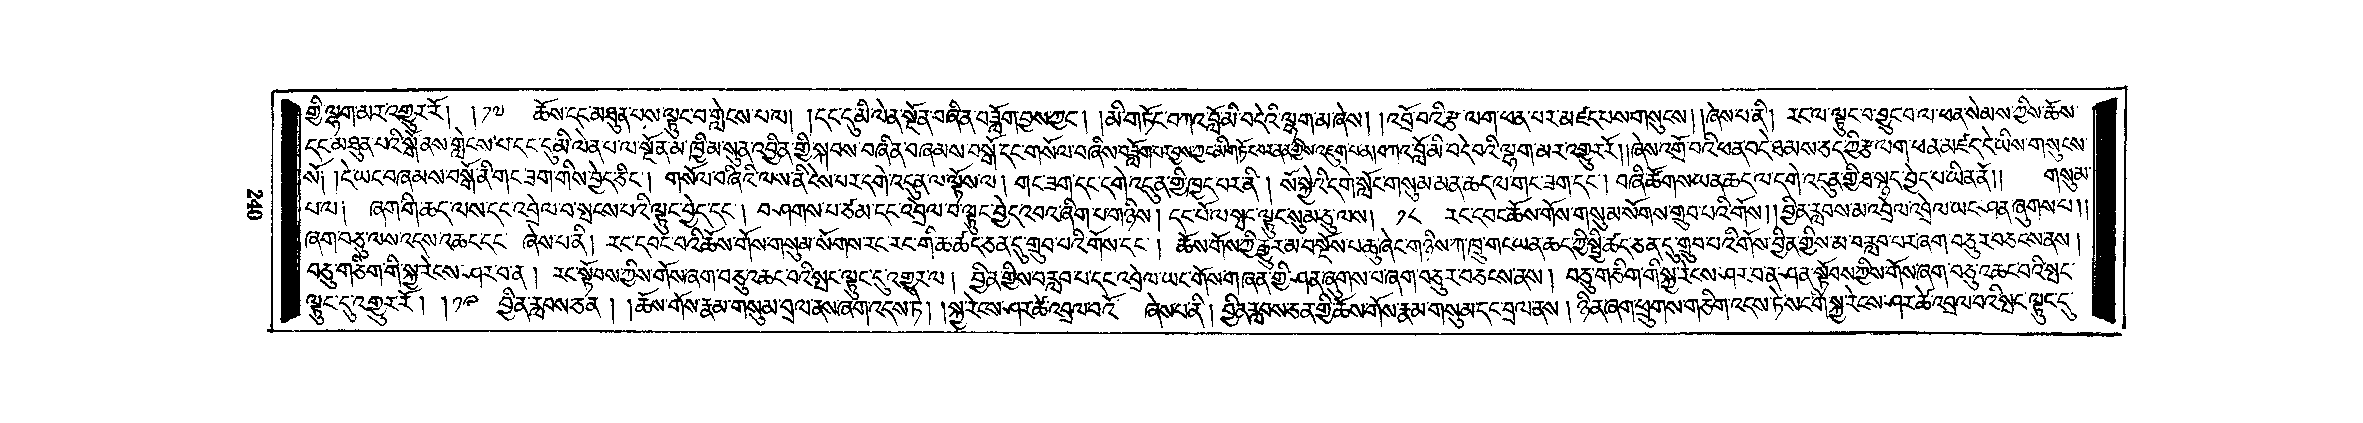གྱི་ལྷག་མར་འགྱུར་རོ། །ཆོས་དང་མཐུན་པས་ལྟུང་བ་གླེངས་པ་ལ། །དང་དུ་མི་ལེན་སྔོན་བཞིན་བཟློག་བྱས་ཀྱང་། །མི་གཏོང་བཀའ་བློ་མི་བདེའི་ལྷག་མ་ཞེས། །འབྲོ་བའི་རྩ་ལག་ཕན་པར་མཛད་པས་གསུངས། །ཞེས་པ་ནི། རང་ལ་ལྟུང་བ་བྱུང་བ་ལ་ཕན་སེམས་ཀྱིས་ཆོས་
དང་མཐུན་པའི་སྒོ་ནས་གླེངས་པ་དང་དུ་མི་ལེན་པ་ལ་སྔོན་མ་ཁྱིམ་སུན་འབྱིན་གྱི་སྐབས་བཞིན་བཞམས་བསྒོ་དང་གསོལ་བཞིས་བཟློག་པར་བྱས་ཀྱང་མི་གཏོང་བར་ནན་གྱིས་འཇུག་པ་ན། བཀའ་བློ་མི་བདེ་བའི་ལྷག་མར་འགྱུར་རོ། །ཞེས་འགྲོ་བའི་ཕན་བདེ་ཐམས་ཅད་ཀྱི་རྩ་ལག་ཕན་མཛད་དེ་ཡིས་གསུངས་
སོ། །དེ་ཡང་བཞམས་བསྒོ་ནི་གང་ཟག་གིས་བྱེད་ཅིང་། གསོལ་བཞིའི་ལས་ནི་ངེས་པར་དགེ་འདུན་ལ་ལྟོས་ལ། གང་ཟག་དང་དགེ་འདུན་གྱི་ཁྱད་པར་ནི། སོ་སྐྱེའི་དགེ་སློང་གསུམ་མན་ཆད་ལ་གང་ཟག་དང་། བཞི་ཚོགས་ཡན་ཆད་ལ་དགེ་འདུན་གྱི་ཐ་སྙད་བྱེད་པ་ཡིན་ནོ། །གསུམ་
པ་ལ། ཞག་གི་ཆད་ལས་དང་འབྲེལ་བ་སྤངས་པའི་ལྟུང་བྱེད་དང་། བཤགས་པ་ཙམ་དང་འབྲེལ་བ་ལྟུང་བྱེད་འབའ་ཞིག་པ་གཉིས། དང་པོ་ལ་སྤང་ལྟུང་སུམ་ཅུ་ལས། རང་དབང་ཆོས་གོས་གསུམ་སོགས་གྲུབ་པའི་གོས། །བྱིན་རླབས་མ་འབྲེལ་འབྲེལ་ཡང་ཤན་ཞུགས་པ། །
ཞག་བཅུ་ལས་འདས་འཆང་དང་ཞེས་པ་ནི། རང་དབང་བའི་ཆོས་གོས་གསུམ་སོགས་རང་རང་གི་ཆ་ཚང་ཅན་དུ་གྲུབ་པའི་གོས་དང་། ཆོས་གོས་ཀྱི་རྒྱུར་མ་བསྡོས་པ་ཆུ་ཞེང་གཉིས་ཀ་ཁྲུ་གང་ཡན་ཆད་ཀྱི་སྤྱི་ཚད་ཅན་དུ་གྲུབ་པའི་གོས་བྱིན་གྱིས་མ་བརླབ་པར་ཞག་བཅུར་བཅངས་ནས།
བཅུ་གཅིག་གི་སྐྱ་རེངས་ཤར་བ་ན། རང་སྟོབས་ཀྱིས་གོས་ཞག་བཅུ་འཆང་བའི་སྤང་ལྟུང་དུ་འགྱུར་ལ། བྱིན་གྱིས་བརླབ་པ་དང་འབྲེལ་ཡང་གོས་གཞན་གྱི་ཤན་ཞུགས་པ་ཞག་བཅུར་བཅངས་ནས། བཅུ་གཅིག་གི་སྐྱ་རེངས་ཤར་བ་ན་ཤན་སྟོབས་ཀྱིས་གོས་ཞག་བཅུ་འཆང་བའི་སྤང་
ལྟུང་དུ་འགྱུར་རོ། །བྱིན་རླབས་ཅན། །ཆོས་གོས་རྣམ་གསུམ་བྲལ་ནས་ཞག་འདས་ཏེ། །སྐྱ་རེངས་ཤར་ཚེ་འབྲལ་བའོ་ཞེས་པ་ནི། བྱིན་རླབས་ཅན་གྱི་ཆོས་གོས་རྣམ་གསུམ་དང་བྲལ་ནས། ཉིན་ཞག་ཕྲུགས་གཅིག་འདས་ཏེ་སང་གི་སྐྱ་རེངས་ཤར་ཚེ་འབྲལ་བའི་སྤང་ལྟུང་དུ་